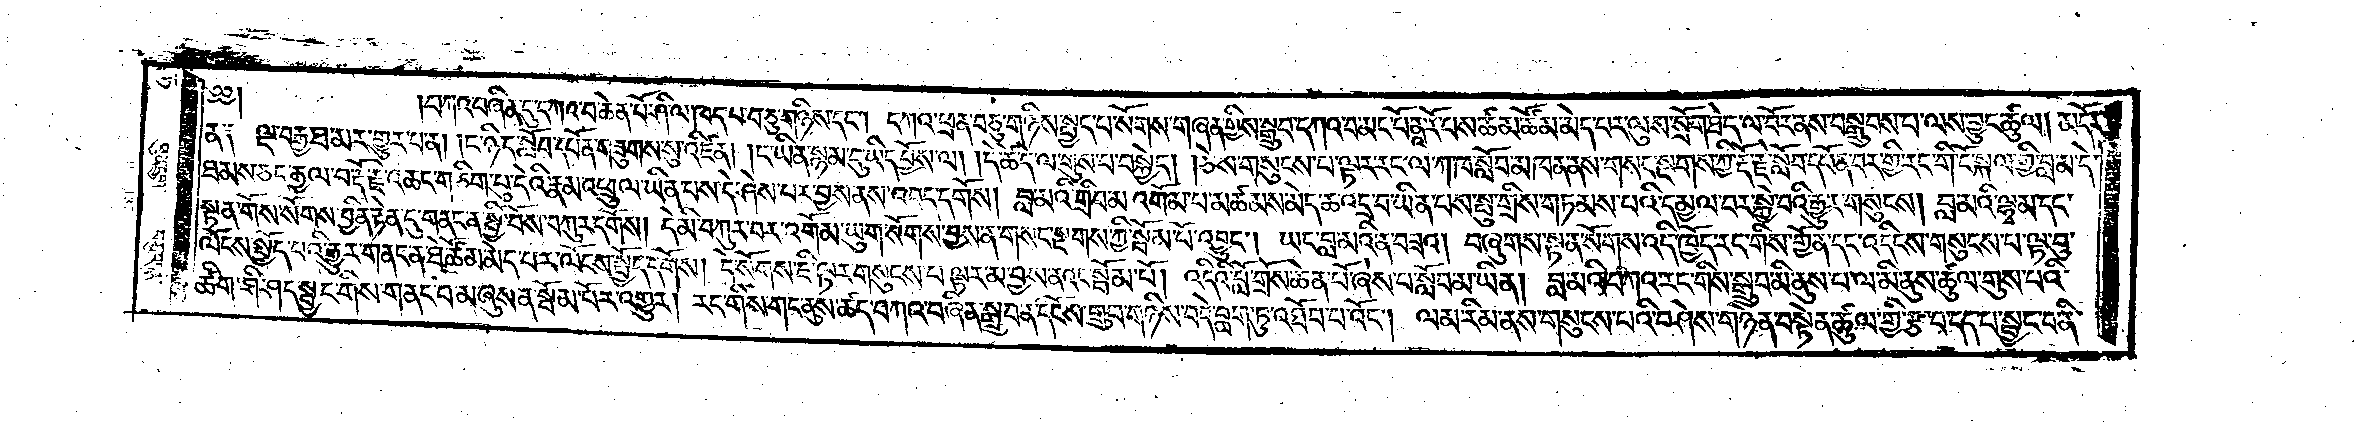༄༅། །བཀའ་བཞིན་དུ་དཀའ་བ་ཆེན་པོ་ཤིལ་ཁད་པ་བཅུ་གཉིས་དང་། དཀའ་ཕྲན་བཅུ་གཉིས་སྤྱད་པ་སོགས་གཞན་གྱིས་སྒྲུབ་དཀའ་བ་མང་པོ་ནཱ་རོ་པས་ཚམ་ཚོམ་མེད་པར་ལུས་སྲོག་ཐེད་ལ་བོར་ནས་བསྒྲུབས་པ་ལས་བྱུང་ཚུལ། མདོར་
ན༑ ལྔ་བརྒྱ་ཐ་མར་གྱུར་པ་ན། །ང་ཉིད་སློབ་དཔོན་གཟུགས་སུ་འཛིན། །ང་ཡི་སྙམ་དུ་ཡིད་བྱོས་ལ། །དེ་ཚེ་དེ་ལ་གུས་པ་བསྐྱེད། །ཅེས་གསུངས་པ་ལྟར་རང་ལ་ཀ་ཁ་སློབ་མཁན་ནས་གསང་སྔགས་ཀྱི་རྡོ་རྗེ་སློབ་དཔོན་བར་གྱི་རང་གི་ངོ་སྐལ་གྱི་བླ་མ་དེ་
ཐམས་ཅད་རྒྱལ་བ་རྡོ་རྗེ་འཆང་གཅིག་པུ་དེའི་རྣམས་འཕྲུལ་ཡིན་པས་དེ་ཤེས་པར་བྱས་ནས་འབད་དགོས། བླ་མའི་གྲིབ་མ་འགོམ་བ་མཚམས་མེད་ཆ་འདྲ་བ་ཡིན་པས་སྤུ་གྲིས་གཏམས་པའི་དམྱལ་བར་སྐྱེ་བའི་རྒྱུར་གསུངས། བླ་མའི་ལྷམ་དང་
སྟན་གོས་སོགས་བྱིན་རྟེན་དུ་གནང་ན་སྤྱི་བོས་བཀུར་དགོས། དེ་མི་བཀུར་བར་འགོམ་ཡུག་སོགས་བྱས་ན་གསང་སྔགས་ཀྱི་སྦོམ་པོ་འབྱུང་། ཡང་བླ་མའི་ན་བཟའ། བཞུགས་སྟན་སོགས་འདི་ཁྱོད་རང་གིས་གྱོན་དང་འདིངས་གསུངས་པ་ལྟ་བུ་
ལོངས་སྤྱོད་པའི་རྒྱུར་གནང་ན་ཐེ་ཚོམ་མེད་པར་ལོངས་སྤྱོད་དགོས། དེ་སོགས་ཇི་ལྟར་གསུངས་པ་ལྟར་མ་བྱས་ནའང་སྦོམ་པོ། འདིའི་བློ་གྲོས་ཆེན་པོ་ཞེས་པ་སློབ་མ་ཡིན། བླ་མའི་བཀའ་རང་གིས་སྒྲུབ་མི་ནུས་པ་ལ་མི་ནུས་ཚུལ་གུས་པའི་
ཚིག་གི་ཤད་སྦྱང་གིས་གནང་བ་མ་ཞུས་ན་སྦོམ་པོར་འགྱུར། རང་གིས་གང་ནུས་ཚད་བཀའ་བཞིན་སྒྲུབ་ན་དངོས་གྲུབ་གཉིས་བདེ་བླག་ཏུ་འཐོབ་པ་འོང་། ལམ་རིམ་ནས་གསུངས་པའི་བཤེས་གཉེན་བསྟེན་ཚུལ་གྱི་རྩ་པ་དད་པ་སྦྱང་བ་ནི་